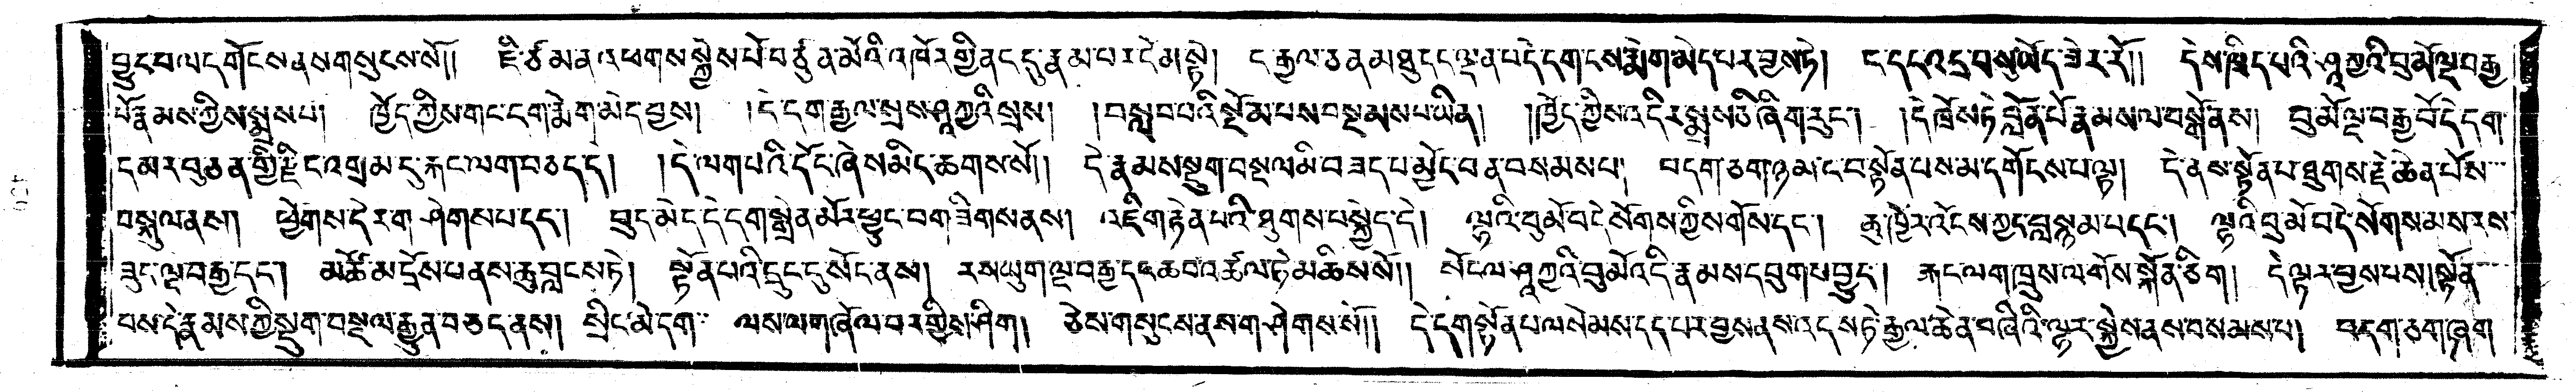བྱུང་བ་ལ་དགོངས་ནས་གསུངས་སོ། །ཇི་ཙམ་ན་འཕགས་སྐྱེས་པོ་བཙུན་མོའི་འཁོར་གྱི་ནང་དུ་རྣམ་པར་ངོམ་སྟེ། ང་རྒྱལ་ཅན་མཐུ་དང་ལྡན་པ་དེ་དག་ངས་རྨེག་བྱེད་པར་བྱས་ཏེ། ང་དང་འདྲ་བ་སུ་ཡོད་ཟེར་རོ། །དེས་ཁྲིད་པའི་ཤཱཀྱ་བུ་མོ་ལྔ་བརྒྱ་
པོ་རྣམས་ཀྱིས་སྨྲས་པ། ཁྱོད་ཀྱིས་གང་དག་རྨེག་མེད་བྱས། །དེ་དག་རྒྱལ་སྲས་ཤཱཀྱའི་སྲས། །བསླབ་པའི་སྡོམ་པས་བསྔམས་པ་ཡིན། །ཁྱོད་ཀྱིས་འདིར་སྨྲས་ཅི་ཞིག་རུང་། །དེ་ཁྲོས་ཏེ་བློན་པོ་རྣམས་ལ་བསྒོ་ནས། བུ་མོ་ལྔ་བརྒྱ་བོ་དེ་དག་
དམར་བུ་ཅན་གྱི་རྫིང་འགྲམ་དུ་རྐང་ལག་བཅད་དེ། །དེ་ལག་པའི་དོང་ཞེས་མིང་ཆགས་སོ། །དེ་རྣམས་སྡུག་བསྔལ་མི་བཟད་པ་མྱོང་བ་ན་བསམས་པ། བདག་ཅག་ཉམ་ང་བསྟོན་པས་མ་དགོངས་པ་ལྟ། དེ་ནས་སྟོན་པ་ཐུགས་རྗེ་ཆེན་པོས་
བསྐུལ་ནས། ཕྱོགས་དེར་གཤེགས་པ་དང་། བུད་མེད་དེ་དག་སྒྲེན་མོར་ཕྱུང་བ་གཟིགས་ནས། འཇིག་རྟེན་པའི་ཐུགས་བསྐྱེད་དེ། ལྷའི་བུ་མོ་བདེ་སོགས་ཀྱིས་གོས་དང་། ཆུ་ཁྱེར་འོངས་ཀྱང་བླ་སྙམ་པ་དང་། ལྷའི་བུ་མོ་བདེ་སོགས་མས་རས་
ཟུང་ལྔ་བརྒྱ་དང་། མཚོ་མ་དྲོས་པ་ནས་ཆུ་བླངས་ཏེ། སྟོན་པའི་དྲུང་དུ་སོང་ནས། རས་ཡུག་ལྔ་བརྒྱ་དང་ཆབ་འཚལ་ཏེ་མཆིས་སོ། །སོང་ལ་ཤཱཀྱའི་བུ་མོ་འདི་རྣམས་དབུགས་བྱུང་། རྐང་ལག་ཁྲུས་ལ་གོས་སྐོན་ཅིག། དེ་ལྟར་བྱས་པས་།སྟོན་
པས་དེ་རྣམས་ཀྱི་སྡུག་བསྔལ་རྒྱུན་བཅད་ནས། སྲིང་མེ་དགཿ ལས་ལ་གཞོལ་བར་གྱིས་ཤིག། ཅེས་གསུངས་ནས་གཤེགས་སོ། །དེ་དག་སྟོན་པ་ལ་སེམས་དད་པར་བྱས་ནས་འདས་ཏེ་རྒྱལ་ཆེན་བཞིའི་ལྷར་སྐྱེས་ནས་བསམས་པ། བདག་ཅག་ཞག་